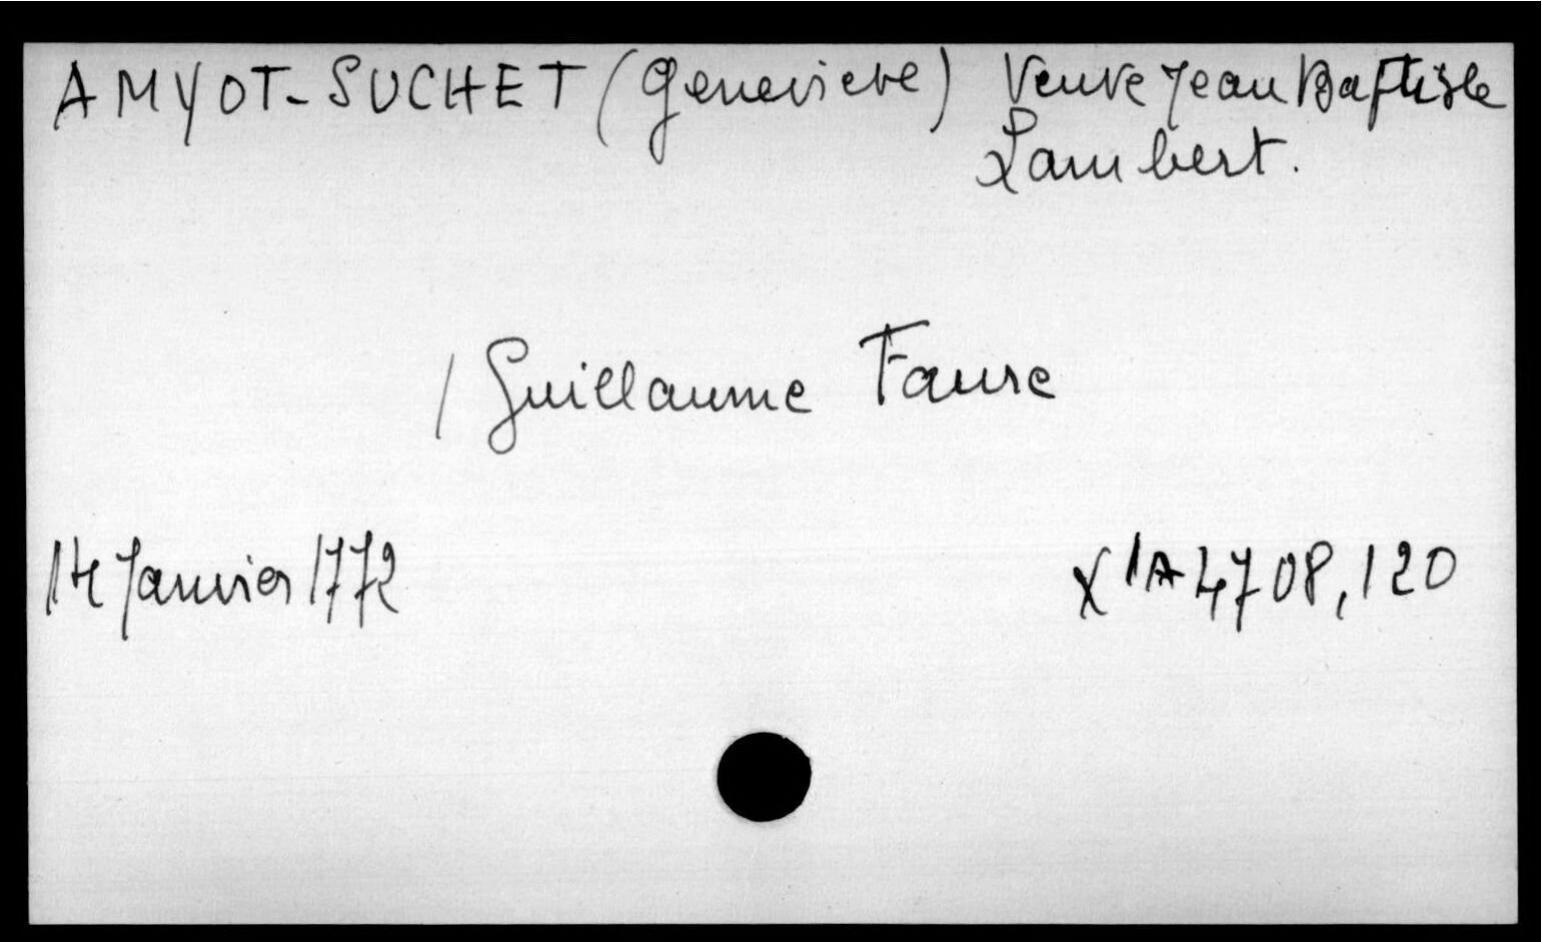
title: AMYOT-SUCHET (Geneviève) Veuve Jean Baptiste Lambert
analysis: Contre Guillaume Faure
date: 14 janvier 1772
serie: X1A
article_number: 4708
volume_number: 120
